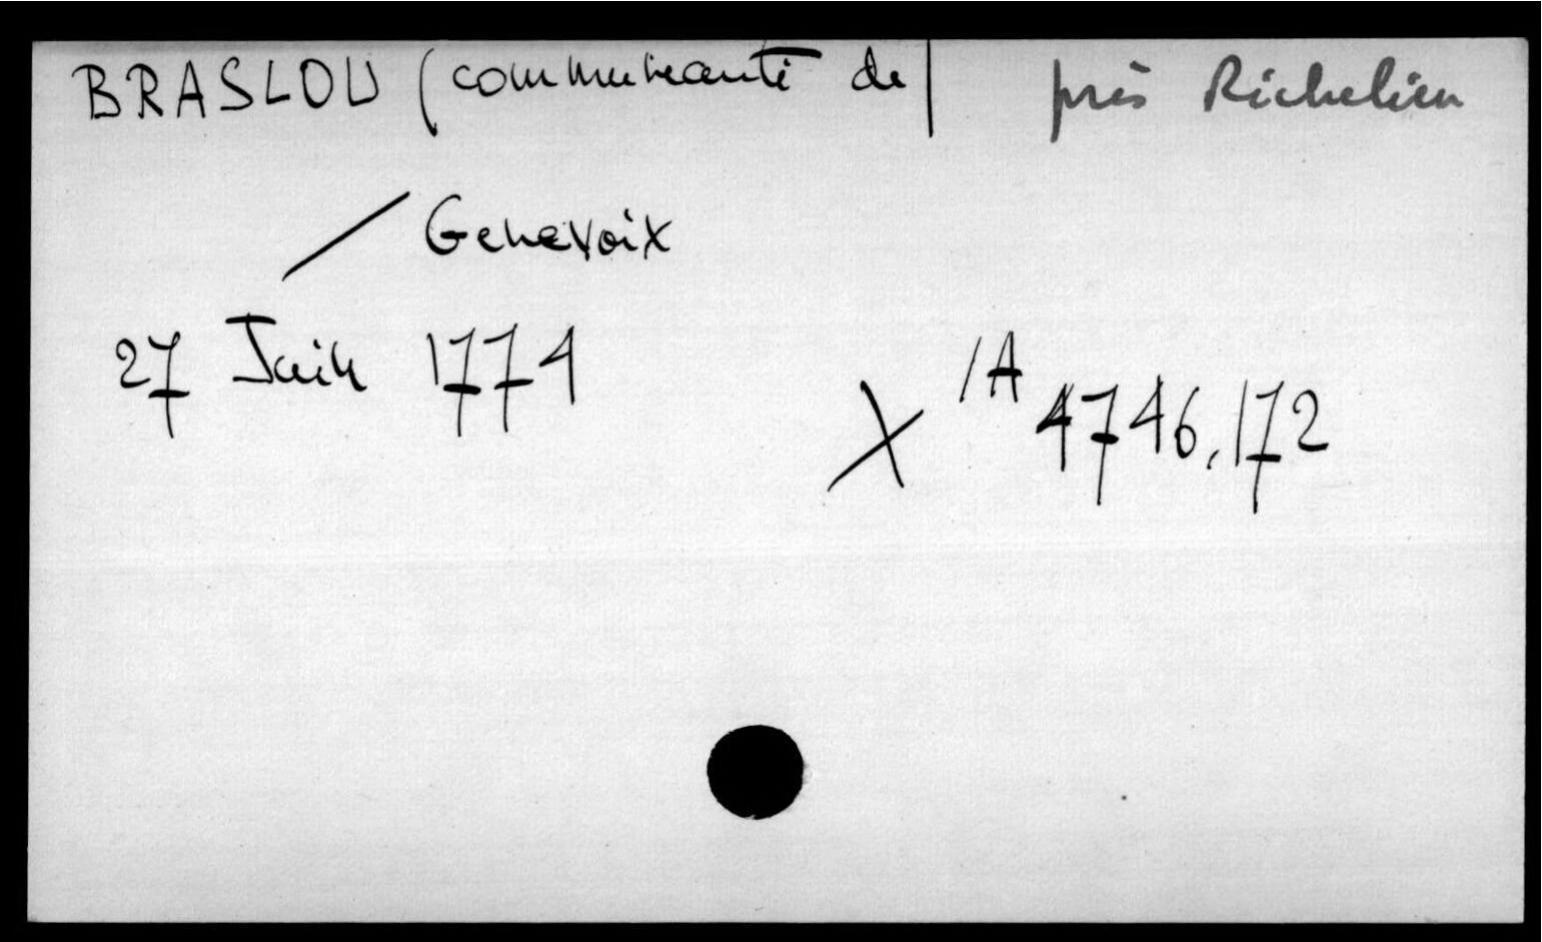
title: BRASLOU (communauté de) près Richelieu
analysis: Contre Genevoix
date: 27 juin 1774
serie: X1A
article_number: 4746
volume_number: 172
